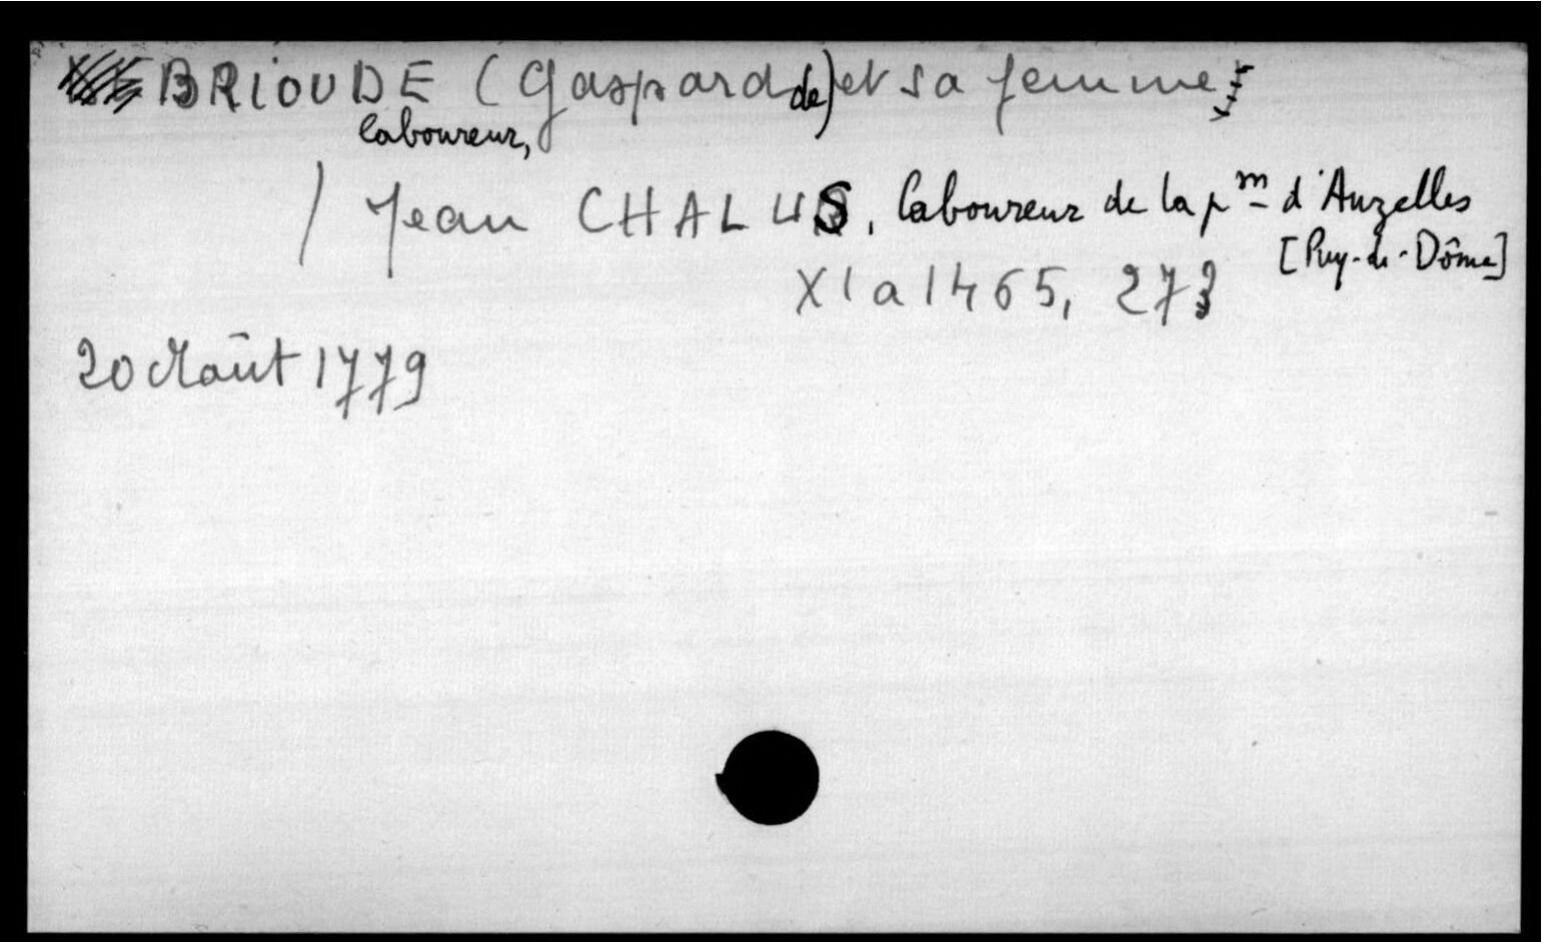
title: BRIOUDE (Gaspard de) et sa femme, laboureur,
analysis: Contre Jean CHALUS, laboureur de la paroisse d'Auzelles [Puy-de-Dôme]
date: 20 août 1779
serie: X1A
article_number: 1465
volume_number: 273
